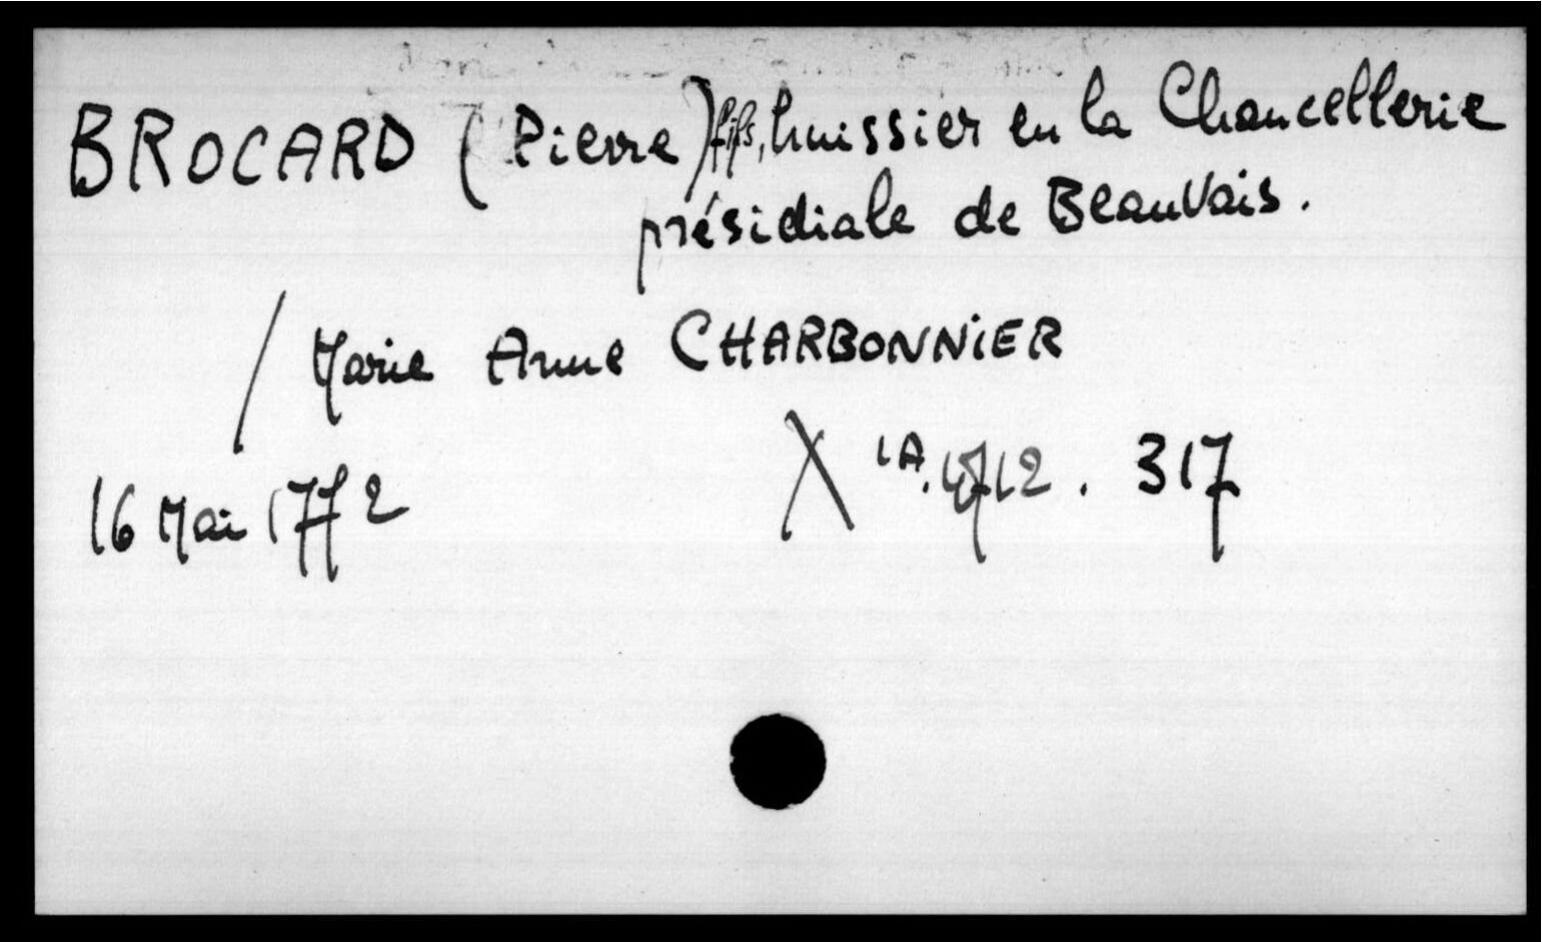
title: BROCARD (Pierre), fils, huissier en la Chancellerie présidiale de Beauvais
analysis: Contre Marie Anne CHARBONNIER
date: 16 mai 1772
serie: X1A
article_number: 4712
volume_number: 317
